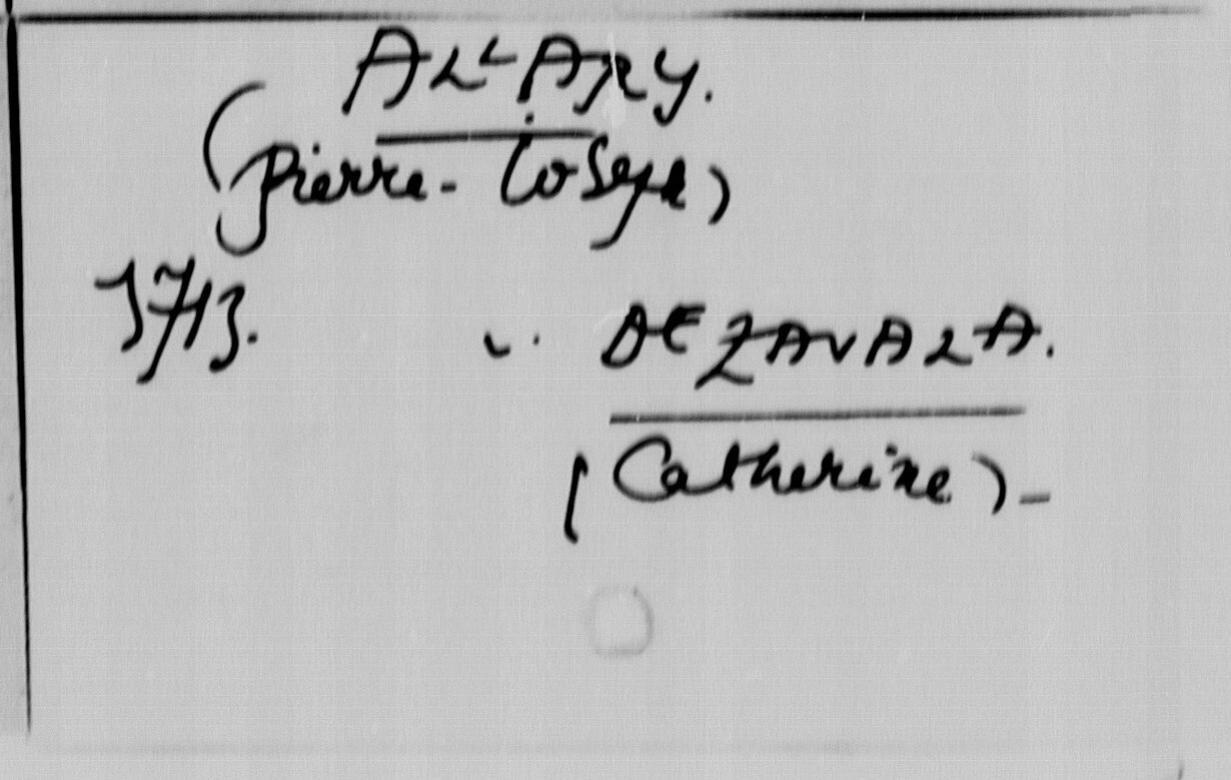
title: ALLARY (Pierre-Joseph)
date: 1713
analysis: Voir DE LAVALA (Catherine)
